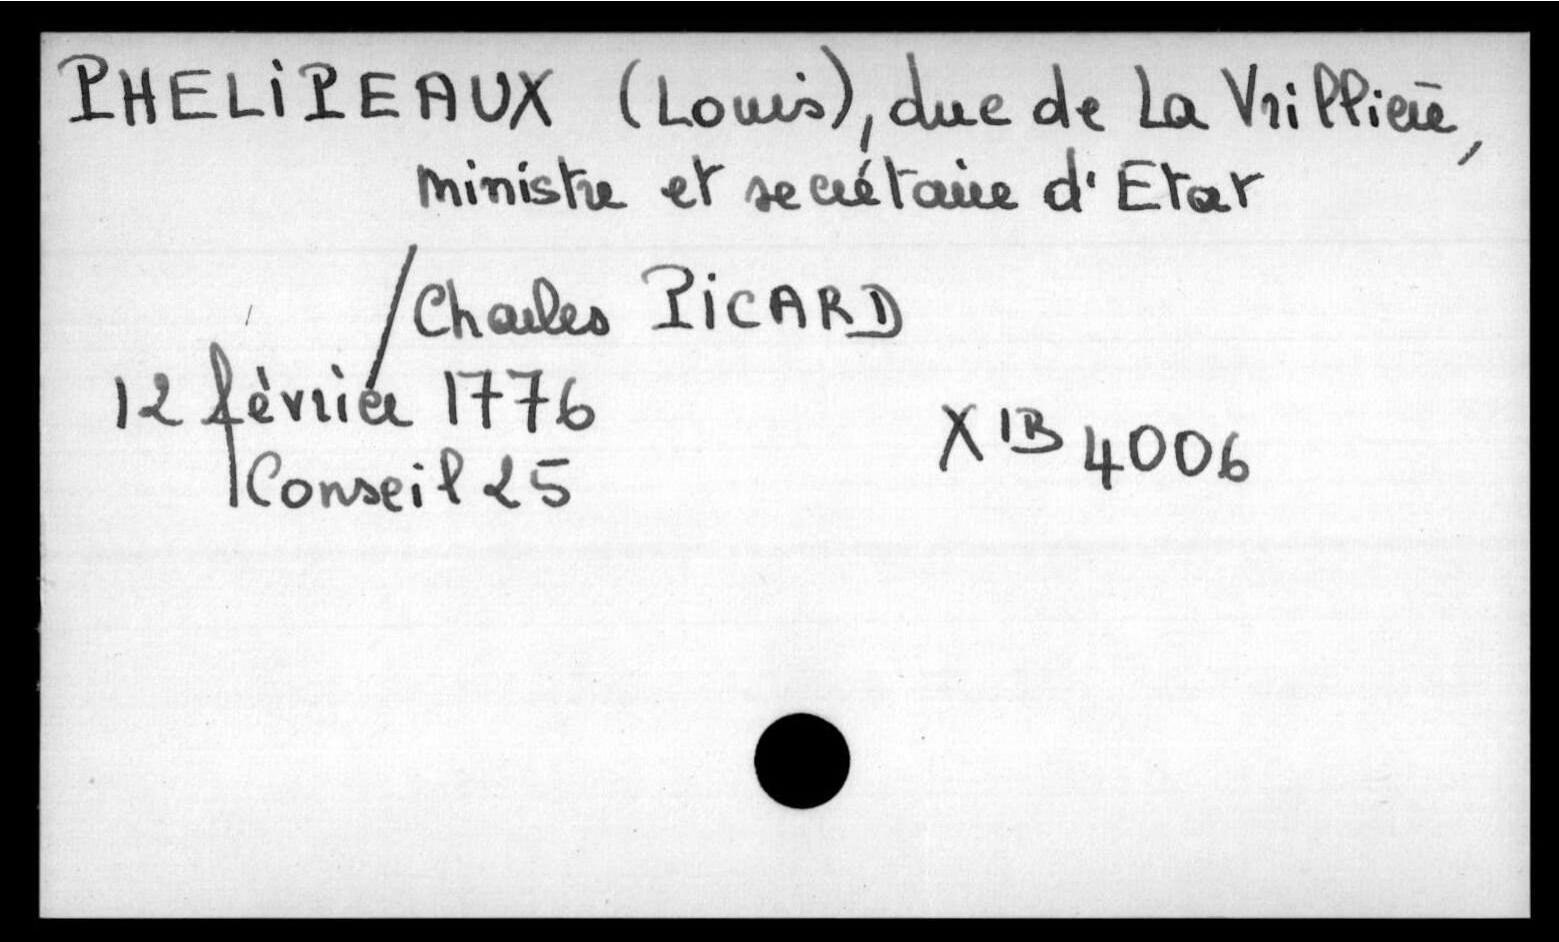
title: PHELIPEAUX (Louis), duc de la Vrillière, ministre et secrétaire d'Etat
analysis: Contre Charles PICARD
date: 12 février 1776
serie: X1B
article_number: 4006
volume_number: Conseil 25
